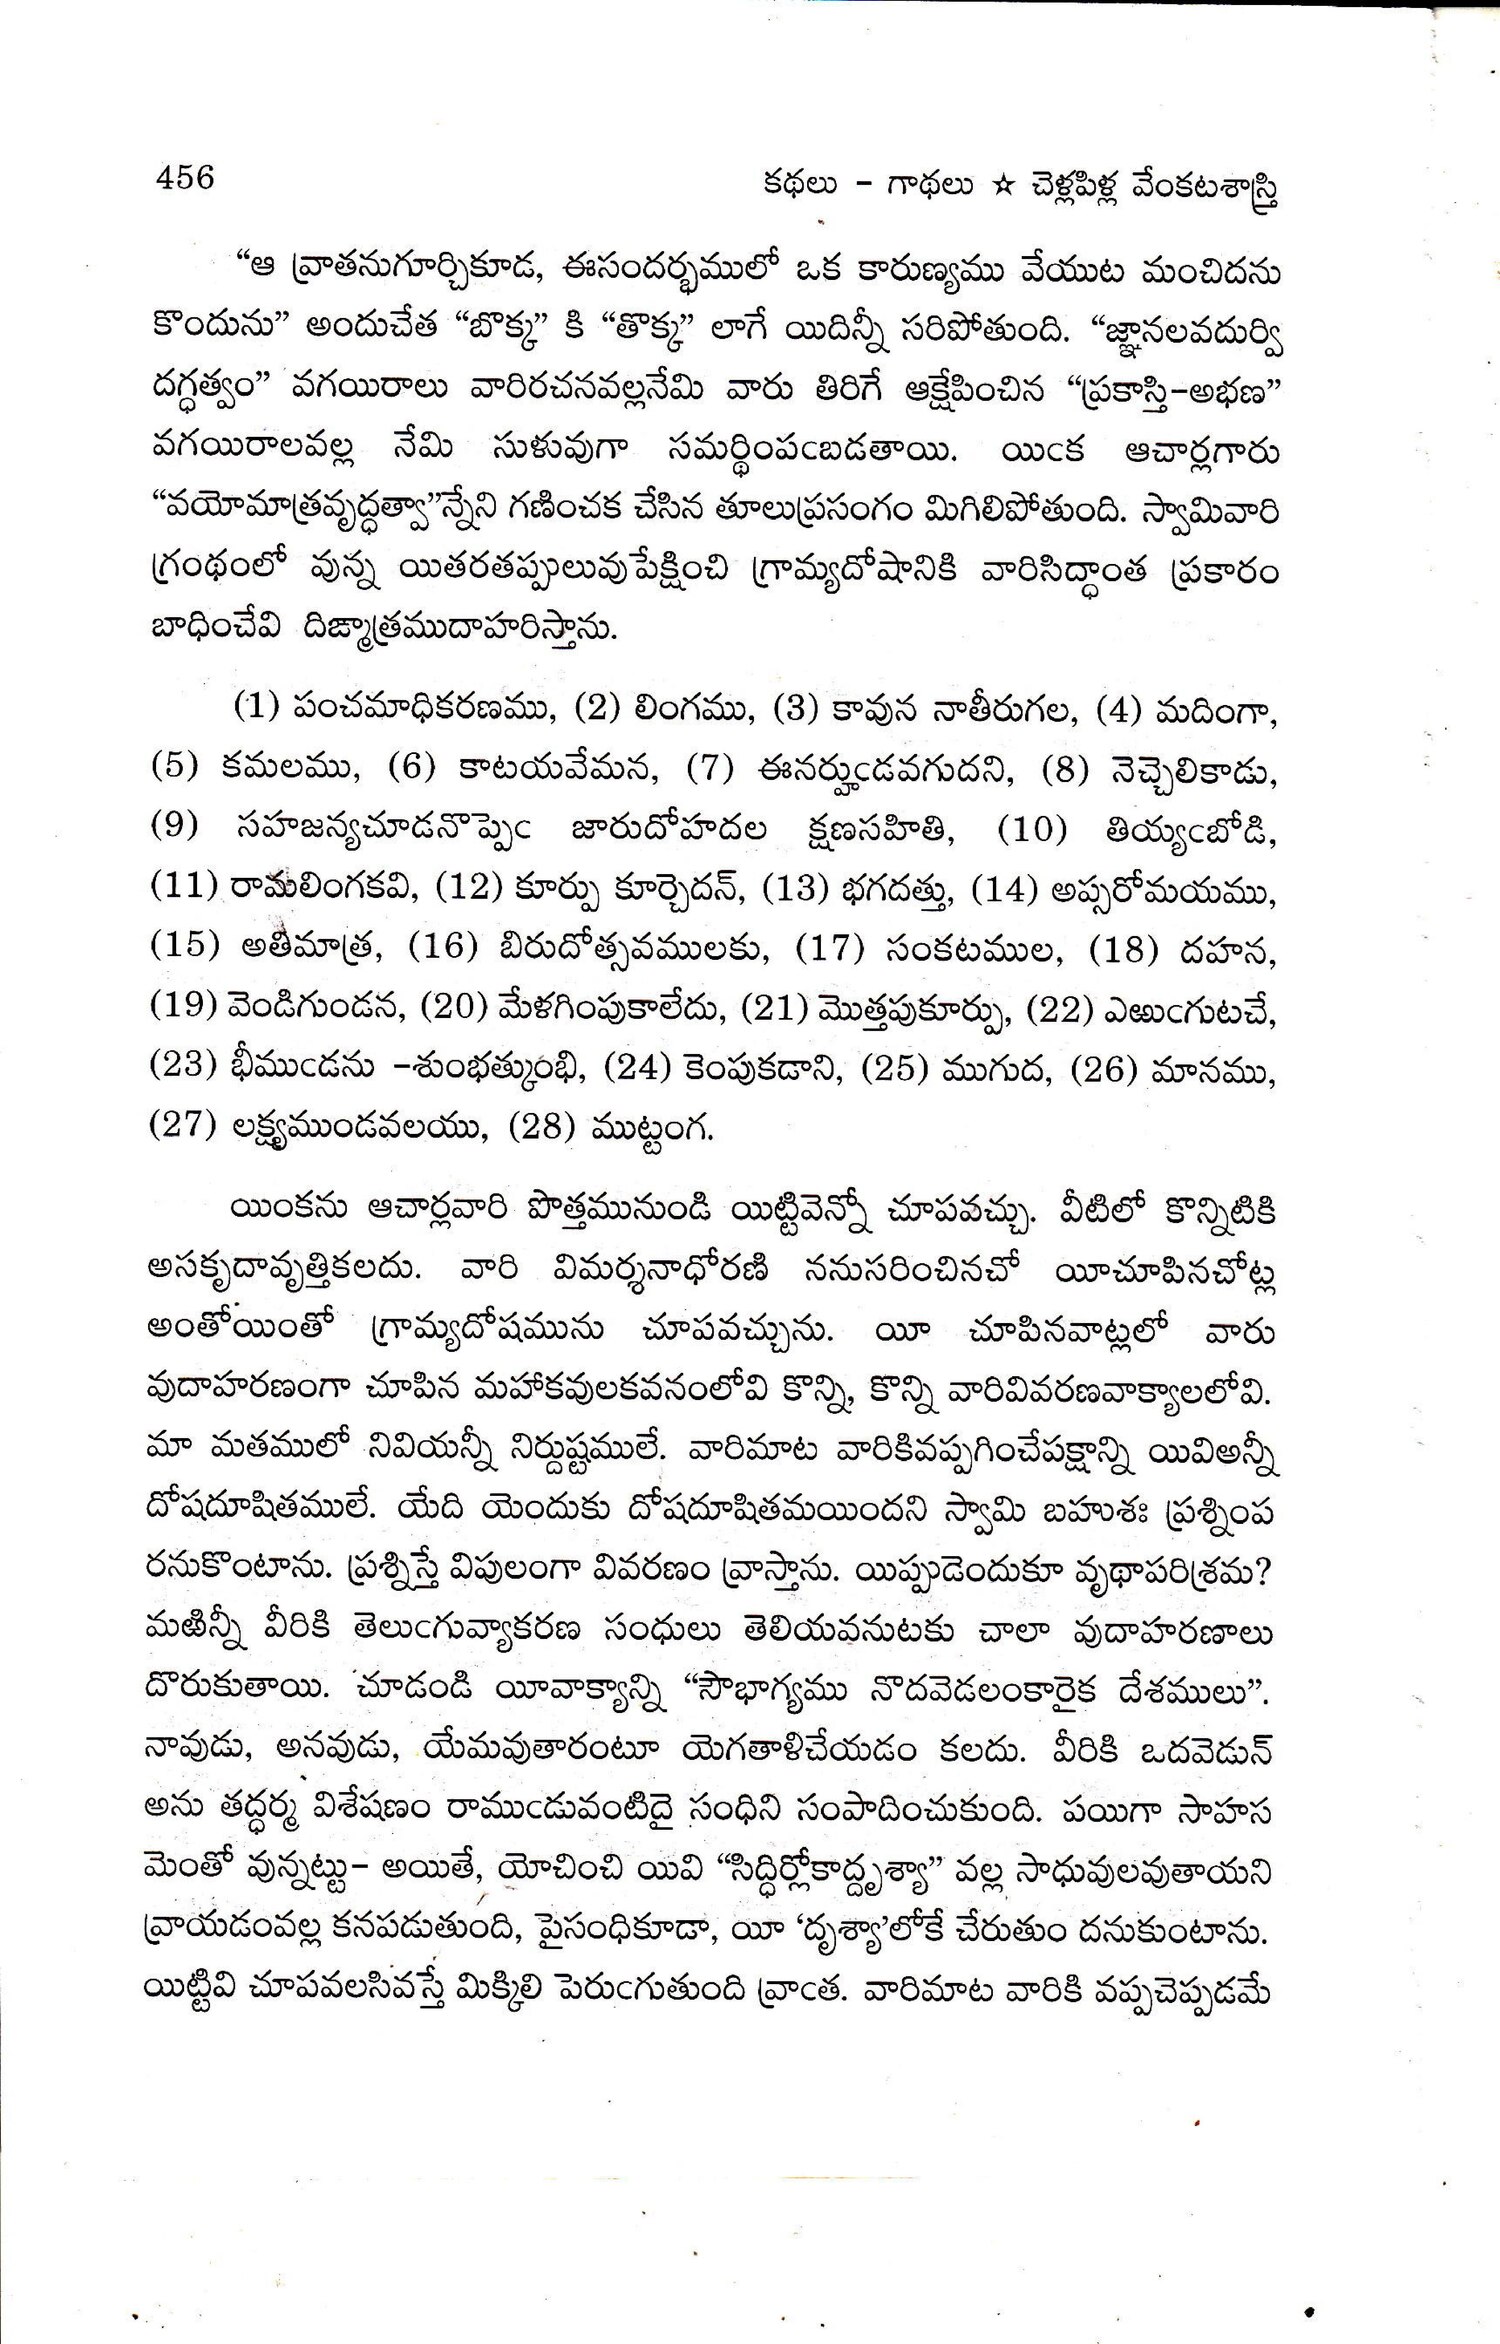“ఆ వ్రాతనుగూర్చికూడ, ఈసందర్భములో ఒక కారుణ్యము వేయుట మంచిదనుకొందును" అందుచేత “బొక్క" కి “తొక్క" లాగే యిదిన్నీ సరిపోతుంది. “జ్ఞానలవదుర్విదగ్ధత్వం” వగయిరాలు వారిరచనవల్లనేమి వారు తిరిగే ఆక్షేపించిన "ప్రకాస్తి-అభణ" వగయిరాలవల్ల నేమి సుళువుగా సమర్ధింపఁబడతాయి. యిఁక ఆచార్లగారు "వయోమాత్రవృద్ధత్వా"న్నేని గణించక చేసిన తూలుప్రసంగం మిగిలిపోతుంది. స్వామివారి గ్రంథంలో వున్న యితరతప్పులువుపేక్షించి గ్రామ్యదోషానికి వారిసిద్ధాంత ప్రకారం బాధించేవి దిఙ్మాత్రముదాహరిస్తాను.

(1) పంచమాధికరణము, (2) లింగము, (3) కావున నాతీరుగల, (4) మదింగా, (5) కమలము, (6) కాటయవేమన, (7) ఈనర్హుఁడవగుదని, (8) నెచ్చెలికాడు, (9) సహజన్యచూడనొప్పెఁ జారుదోహదల క్షణసహితి, (10) తియ్యఁబోడి, (11) రామలింగకవి, (12) కూర్పు కూర్చెదన్, (13) భగదత్తు, (14) అప్సరోమయము, (15) అతిమాత్ర, (16) బిరుదోత్సవములకు, (17) సంకటముల, (18) దహన, (19) వెండిగుండన, (20) మేళగింపుకాలేదు, (21) మొత్తపుకూర్పు, (22) ఎఱుఁగుటచే, (23) భీముఁడను -శుంభత్కుంభి, (24) కెంపుకడాని, (25) ముగుద, (26) మానము, (27) లక్ష్యముండవలయు, (28) ముట్టంగ. -

యింకను ఆచార్లవారి పొత్తమునుండి యిట్టివెన్నో చూపవచ్చు. వీటిలో కొన్నిటికి అసకృదావృత్తికలదు. వారి విమర్శనాధోరణి ననుసరించినచో యీచూపినచోట్ల అంతోయింతో గ్రామ్యదోషమును చూపవచ్చును. యీ చూపినవాట్లలో వారు వుదాహరణంగా చూపిన మహాకవులకవనంలోవి కొన్ని కొన్ని వారివివరణవాక్యాలలోవి. మా మతములో నివియన్నీ నిర్దుష్టములే. వారిమాట వారికివప్పగించేపక్షాన్ని యివిఅన్నీ దోషదూషితములే. యేది యెందుకు దోషదూషితమయిందని స్వామి బహుశః ప్రశ్నింప రనుకొంటాను. ప్రశ్నిస్తే విపులంగా వివరణం వ్రాస్తాను. యిప్పుడెందుకూ వృథాపరిశ్రమ? మఱిన్నీ వీరికి తెలుఁగువ్యాకరణ సంధులు తెలియవనుటకు చాలా వుదాహరణాలు దొరుకుతాయి. చూడండి యీవాక్యాన్ని "సౌభాగ్యము నొదవెడలంకారైక దేశములు". నావుడు, అనవుడు, యేమవుతారంటూ యెగతాళిచేయడం కలదు. వీరికి ఒదవెడున్ అను తద్ధర్మ విశేషణం రాముఁడువంటిదై సంధిని సంపాదించుకుంది. పయిగా సాహస మెంతో వున్నట్టు- అయితే, యోచించి యివి "సిద్ధిర్లోకాద్దృశ్యా" వల్ల సాధువులవుతాయని వ్రాయడంవల్ల కనపడుతుంది, పైసంధికూడా, యీ 'దృశ్యా'లోకే చేరుతుం దనుకుంటాను. యిట్టివి చూపవలసివస్తే మిక్కిలి పెరుఁగుతుంది వ్రాఁత. వారిమాట వారికి వప్పచెప్పడమే